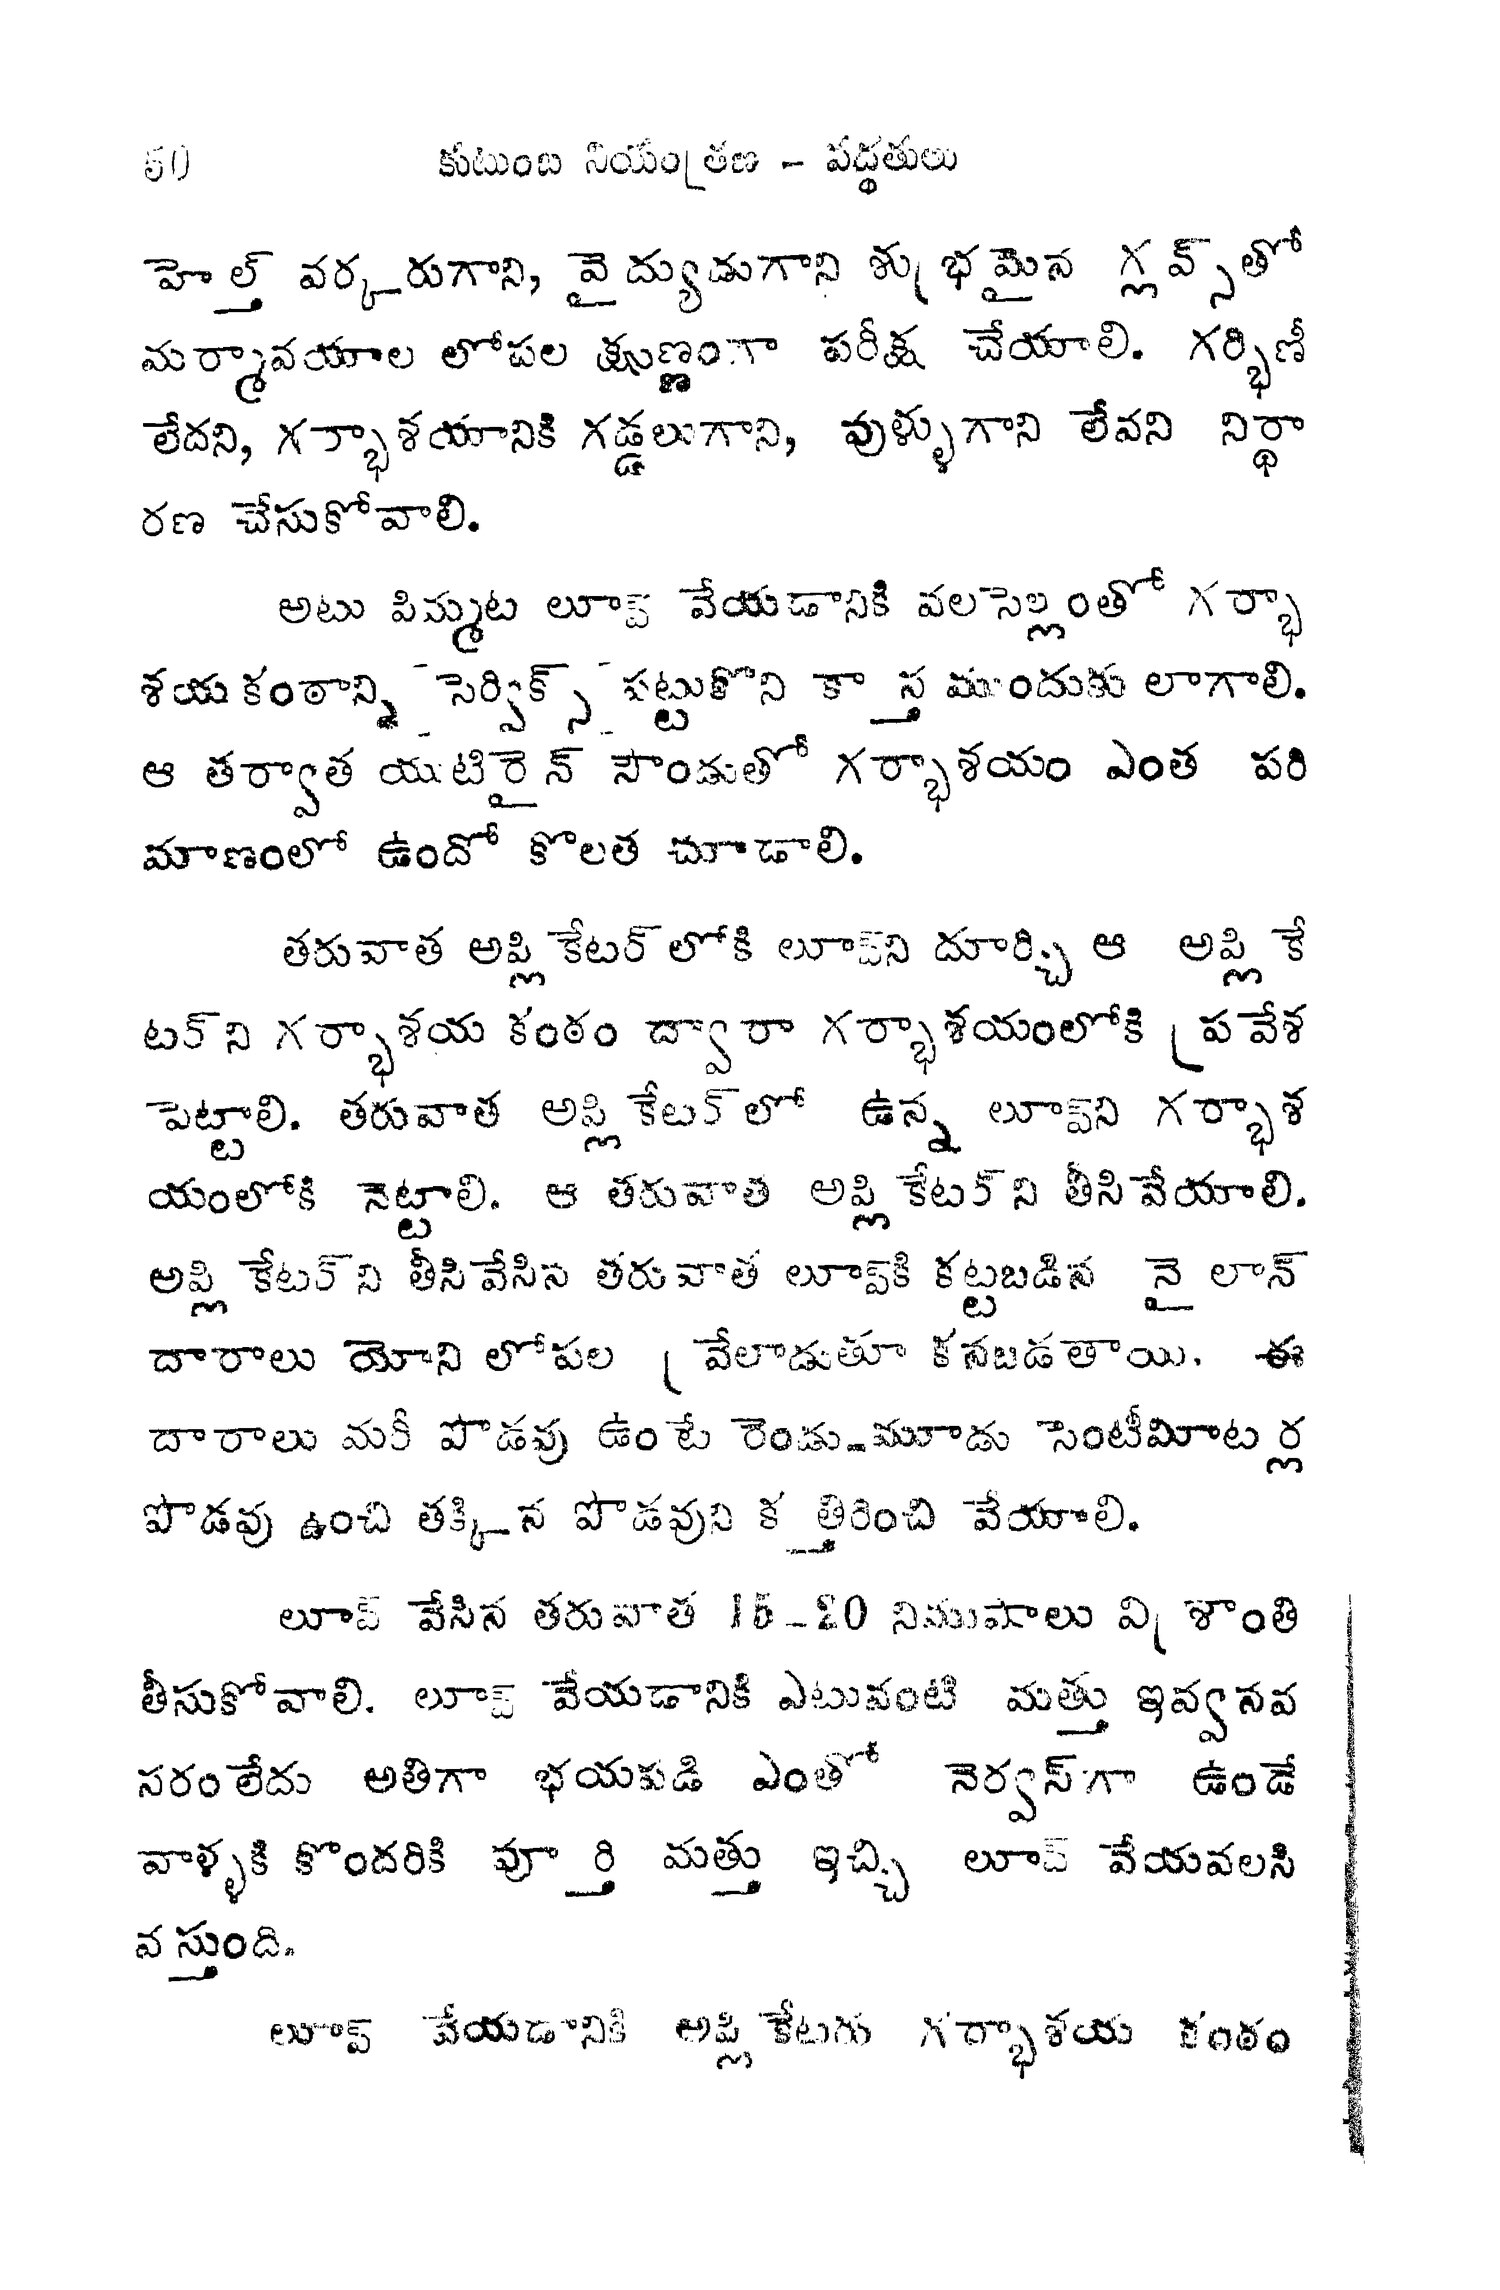హెల్త్ వర్కరుగాని, వైద్యుడుగాని శుభ్రమైన గ్లవ్స్‌తో మర్మావయాల లోపల క్షుణ్ణంగా పరీక్ష చేయాలి. గర్భిణీ లేదని, గర్భాశయానికి గడ్దలుగాని, పుళ్ళుగాని లేవని నిర్ధారణ చేసుకోవాలి.

అటు పిమ్మట లూప్ వేయడానికి వలసెల్లంతో గర్భాశయకంఠాన్ని 'సెర్విక్స్ ' పట్టుకొని కాస్త ముందుకు లాగాలి. ఆ తర్వాత యుటిరైన్ సౌండుతో గర్భాశయం ఎంత పరిమాణంలో ఉందో కొలత చూడాలి.

తరువాత అప్లి కేటర్ లొకి లూప్‌ని దూర్చి ఆ అప్లికేటర్‌ని గర్భాశయ కంఠం ద్వారా గర్భాశయంలోకి ప్రవేశపెట్టాలి. తరువాత అప్లికేటర్‌లో ఉన్న లూప్‌ని గర్భాశయంలోకి నెట్టాలి. ఆ తరువాత అప్లి కేటర్ లో ఉన్న లూప్ ని గర్బాశయం లోకి నెట్టాలి. ఆ తరువాత అప్లికేటర్ ని తీసివేయాలి. అప్లి కేటర్‌ని తీసివేసిన తరువాత లూప్‌కి కట్టబడిన నైలాన్ దారాలు యోని లోపల వ్రేలాడుతూ కనబడతాయి. ఈ దారాలు మరీ పొడవు ఉంటే రెండు-మూడు సెంటీమీటర్ల పొడవు ఉంచి తక్కిన పొడవుని కత్తిరించి వేయాలి.

లూప్ వేసిన తరువాత 15-20 నిముషాలు విశ్రాంతి తీసుకొవాలి. లూప్ వేయడానికి ఎటువంటి మత్తు ఇవ్వనవసరంలేదు. అతిగా భయపడి ఎంతో నెర్వస్‌గా ఉండే వాళ్ళకి కొందరికి పూర్తి మత్తు ఇచ్చి లూప్ వేయవలసి వస్తుంది.

లూప్ వేయడానికి అప్లి కేటరు గర్భాశాయ కంఠం